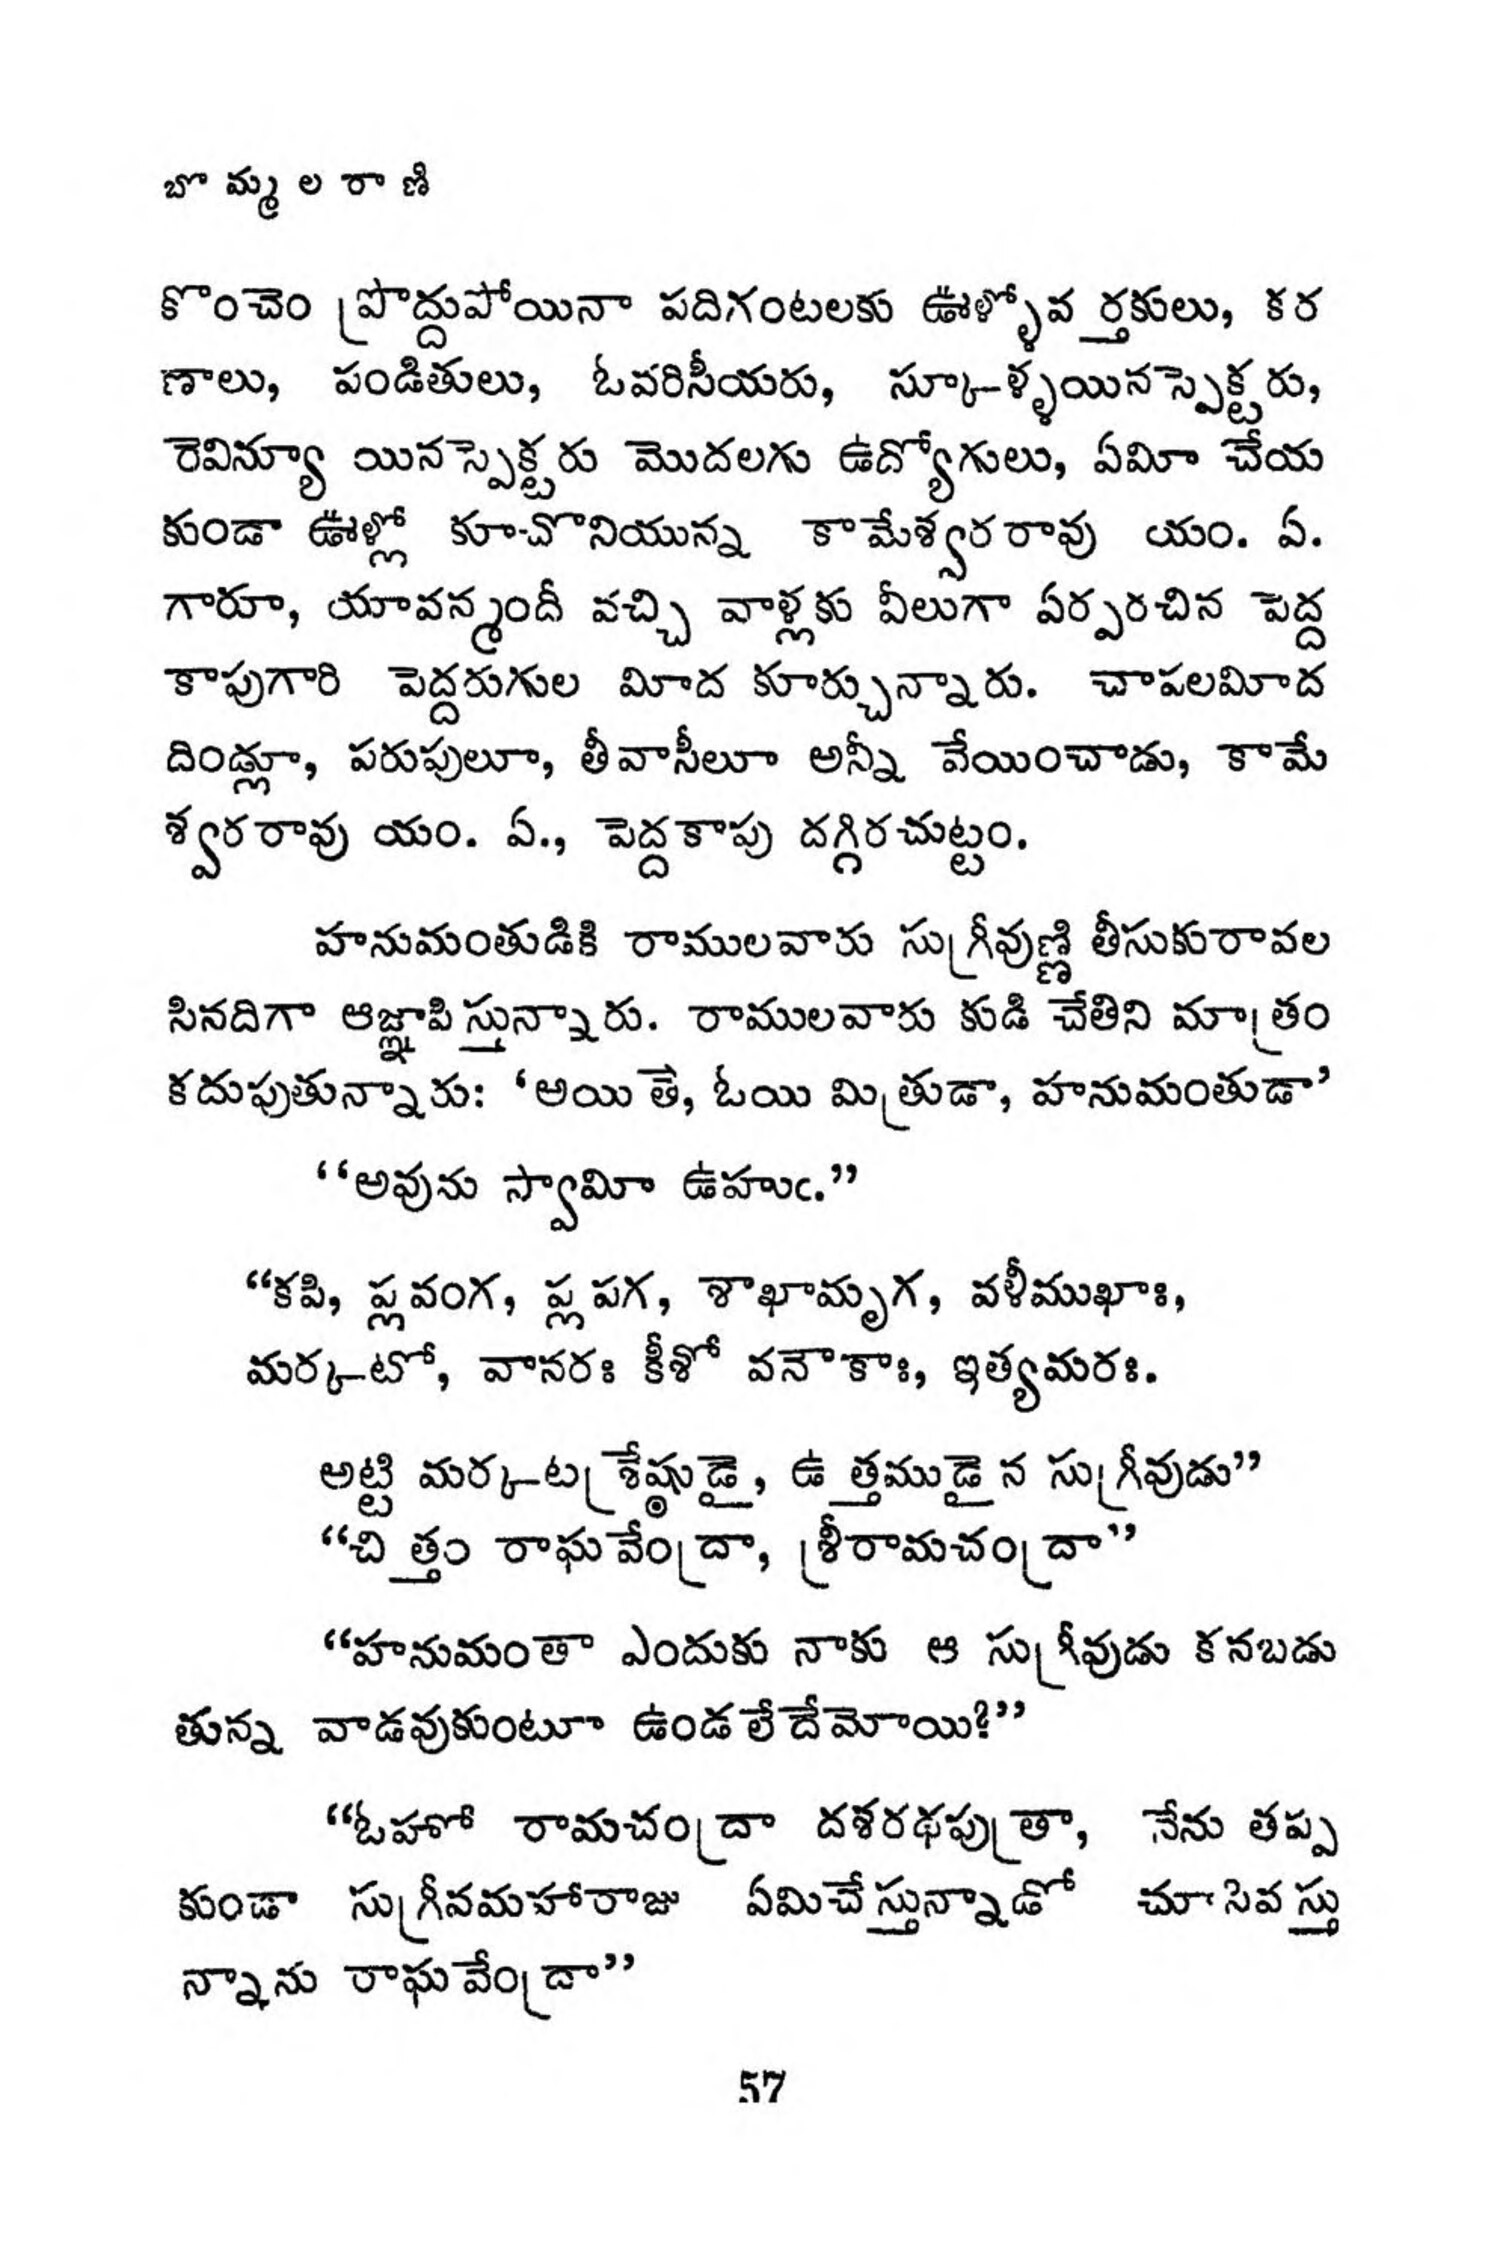కొంచెం ప్రొద్దుపోయినా పదిగంటలకు ఊళ్ళోవర్తకులు, కరణాలు, పండితులు, ఓవరిసీయరు, స్కూళ్ళయినస్పెక్టరు, రెవిన్యూ యినస్పెక్టరు మొదలగు ఉద్యోగులు, ఏమీ చేయకుండా ఊళ్లో కూచొనియున్న కామేశ్వరరావు యం. ఏ. గారూ, యావన్మందీ వచ్చి వాళ్లకు వీలుగా ఏర్పరచిన పెద్దకాపుగారి పెద్దరుగుల మీద కూర్చున్నారు. చాపలమీద దిండ్లూ, పరుపులూ, తీవాసీలూ అన్నీ వేయించాడు, కామేశ్వరరావు యం. ఏ., పెద్దకాపు దగ్గిరచుట్టం.

హనుమంతుడికి రాములవారు సుగ్రీవుణ్ణి తీసుకురావలసినదిగా ఆజ్ఞాపిస్తున్నారు. రాములవారు కుడి చేతిని మాత్రం కదుపుతున్నారు : 'అయితే, ఓయి మిత్రుడా, హనుమంతుడా'

"అవును స్వామీ ఉహుఁ."

"కపి, ప్లవంగ, ప్లపగ, శాఖామృగ, వళీముఖాః,
 మర్కటో, వానరః కీశో వనౌకాః, ఇత్యమరః.

 అట్టి మర్కటశ్రేష్ఠుడై, ఉత్తముడైన సుగ్రీవుడు"
"చిత్తం రాఘవేంద్రా, శ్రీరామచంద్రా"

"హనుమంతా ఎందుకు నాకు ఆ సుగ్రీవుడు కనబడుతున్న వాడవుకుంటూ ఉండలేదేమోయి?"

"ఓహో రామచంద్రా దశరథపుత్రా, నేను తప్పకుండా సుగ్రీవమహారాజు ఏమిచేస్తున్నాడో చూసివస్తున్నాను రాఘవేంద్రా"